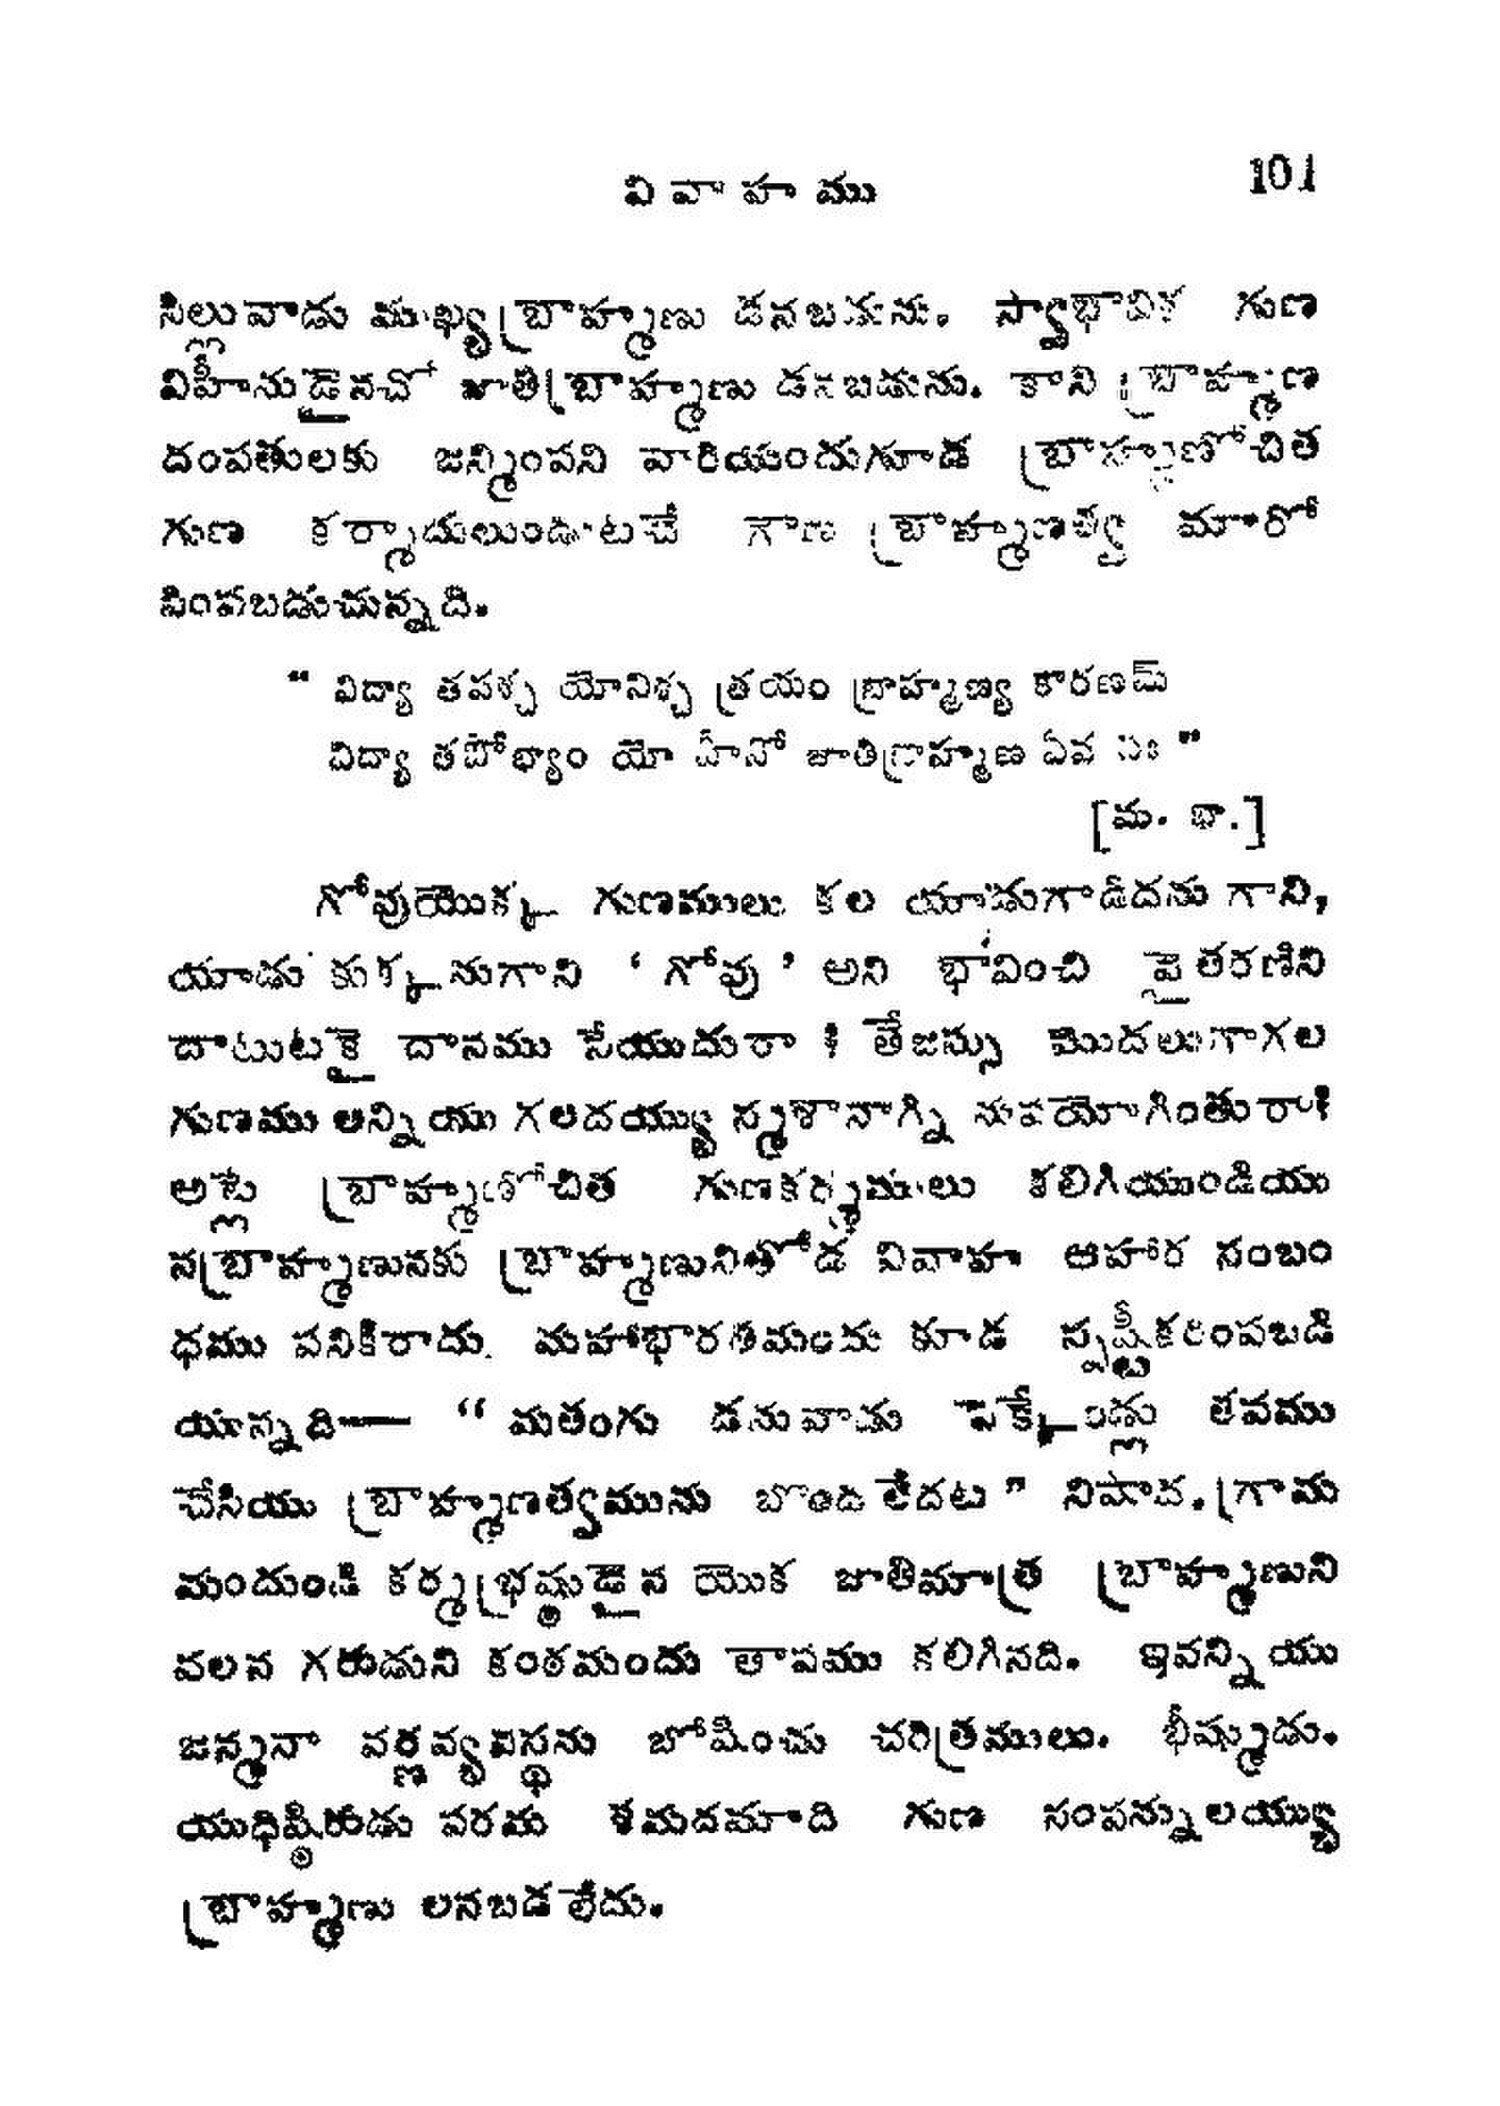సిల్లువాడు ముఖ్య బ్రాహ్మణు డనబడును. స్వాభావిక గుణ
విహీనుడైనచో జాతి బ్రాహ్మణుడనబడును. కాని బ్రాహ్మణ
దంపతులకు జన్మింపని వారియందుగూడ బ్రాహ్ళణోచిత
గుణ కర్మాదులుండటచే గౌణ బ్రాహ్మణత్వ మారో 
పింపబడుచున్నది.

"విద్యా తపశ్చ యోనిశ్చ త్రయం బ్రాహ్మణ్య కారణమ్
 విద్యా తపోభ్యాం యో హీనో జాతిగ్రాహ్మణ ఏవ సః "
 [మ. భా .]
 
గోవుయొక్క గుణములు కల యాడుగాడిదను గాని,
యాడు కుక్కనుగాని 'గోవు' అని భావించి వైతరణిని
దాటుటకై దానము సేయుదురా ? తేజస్సు మొదలుగాగల
గుణము లన్నియు గలదయ్యు స్మశానాగ్ని నుపయోగింతురా?
బ్రాహ్మణోచిత గుణకర్శములు కలిగియుండియు నబ్రాహ్మణునకు 
బ్రాహ్మణునితోడ వివాహ ఆహార సంబంధము పనికిరాదు. 
మహాభారతమందు కూడ స్పష్టీకరింపబడి యన్నది 
"మతంగు డనువాడు పెక్కేండ్లు తపము చేసియు 
బ్రాహ్మణత్వమును బొందలేదట నిషాద గ్రామ
మందుండి కర్మభ్రష్ఠుడైన యొక జాతిమాత్ర బ్రాహ్మణుని
వలన గరుడుని కంఠమందు తాపము కలిగినది. ఇవన్నియు
జన్మనా వర్ణవ్యవస్థను బోషించు చరిత్రములు. భీష్ముడు.
యుధిష్ఠిరుడు పరమ శమదమాది గుణ సంపన్ను లయ్యు
బ్రాహ్మణు లనబడ లేదు.